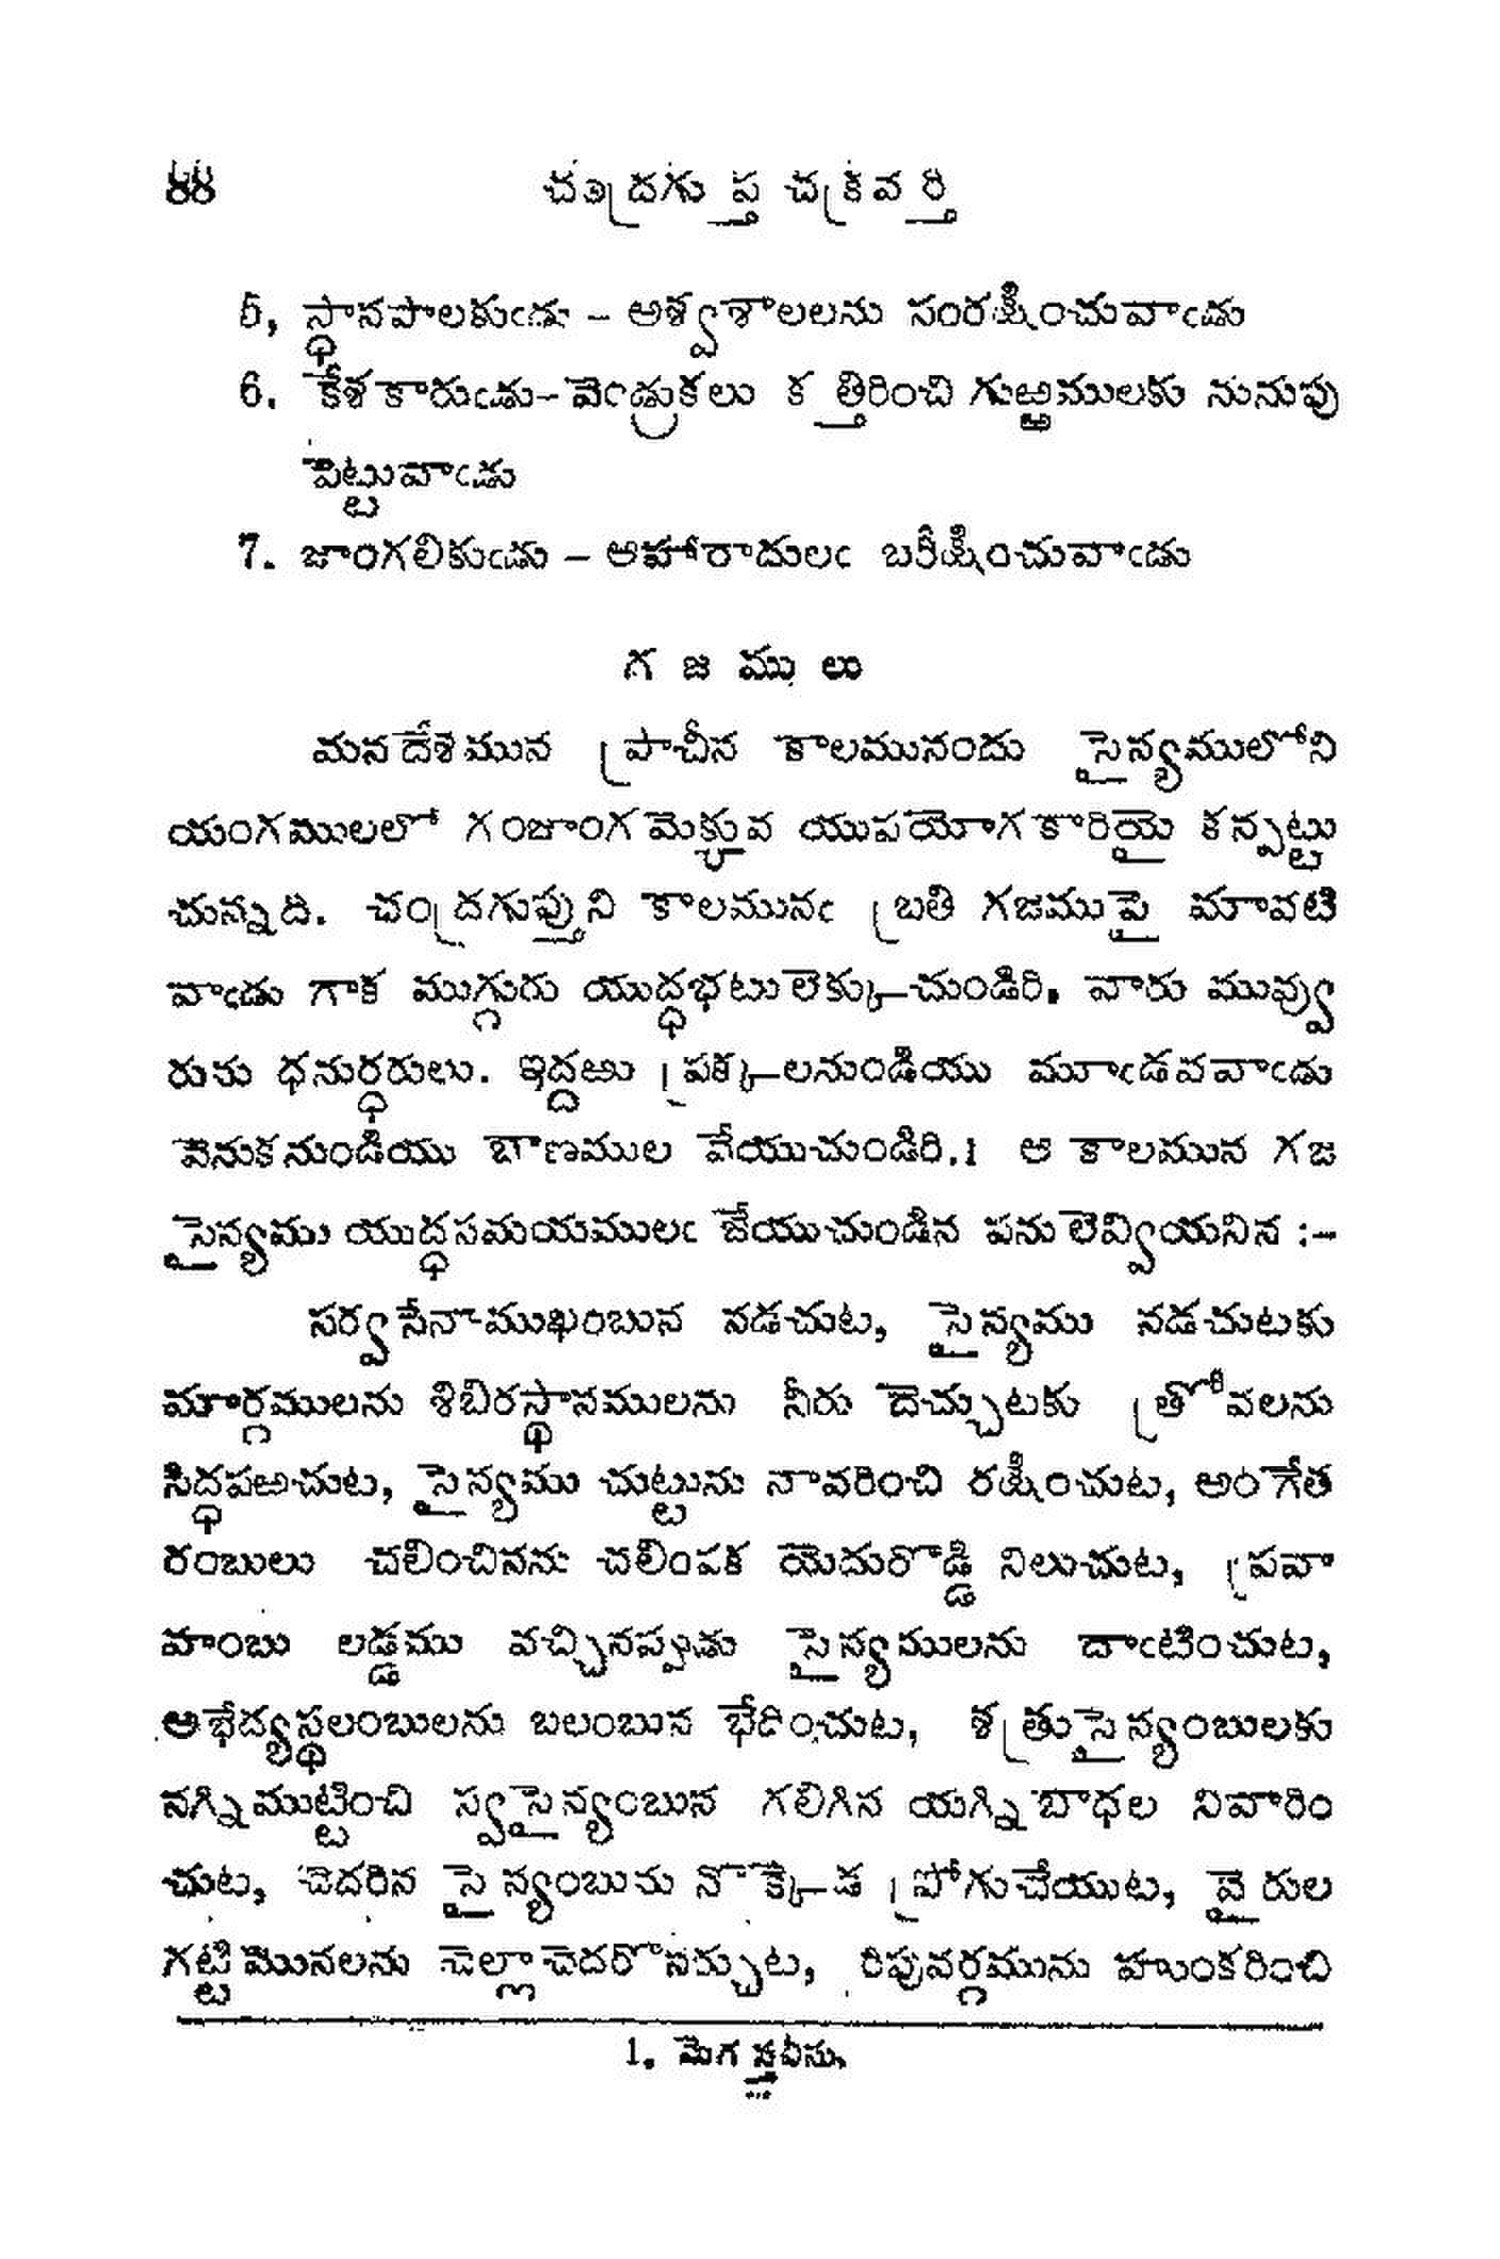5. స్థానపాలకుఁడు - అశ్వశాలలను సంరక్షించువాఁడు 

6. కేశ కారుఁడు- వెండ్రుకలు కత్తిరించి గుఱ్ఱములకు నునుపు పెట్టువాఁడు 

7. జాంగలికుఁడు - ఆహారాదులఁ బరీక్షించువాఁడు

గజములు 

మనదేశమున ప్రాచీన కాలమునందు సైన్యములోని యంగములలో గంజాంగ మెక్కువ యుపయోగకారియై కన్పట్టు చున్నది. చంద్రగుప్తుని కాలమునఁ బ్రతి గజముపై మావటివాఁడు గాక ముగ్గురు యుద్ధభటు లెక్కుచుండిరి. వారు మువ్వురును ధనుర్ధరులు. ఇద్దఱు ప్రక్కలనుండియు మూఁడవవాఁడు వెనుకనుండియు బాణముల వేయుచుండిరి.1 ఆ కాలమున గజసైన్యము యుద్ధ సమయములఁ జేయుచుండిన పను లెవ్వియనిన :--

సర్వసేనాముఖంబున నడచుట, సైన్యము నడచుటకు మార్గములను శిబిరస్థానములను నీరు దెచ్చుటకు త్రోవలను సిద్ధపఱచుట, సైన్యము చుట్టును నావరించి రక్షించుట, అంగేతరంబులు చలించినను చలింపక యెదురొడ్డి నిలుచుట, ప్రవాహంబు లడ్డము వచ్చినప్పుడు సైన్యములను దాఁటించుట, అభేద్యస్థలంబులను బలంబున భేదించుట, శత్రుసైన్యంబులకు నగ్ని ముట్టించి స్వసైన్యంబున గలిగిన యగ్నిబాధల నివారించుట, చెదరిన సైన్యంబును నొక్కెడ ప్రోగుచేయుట, వైరుల గట్టి మొనలను చెల్లాచెదరొనర్చుట, రిపువర్గమును హుంకరించి